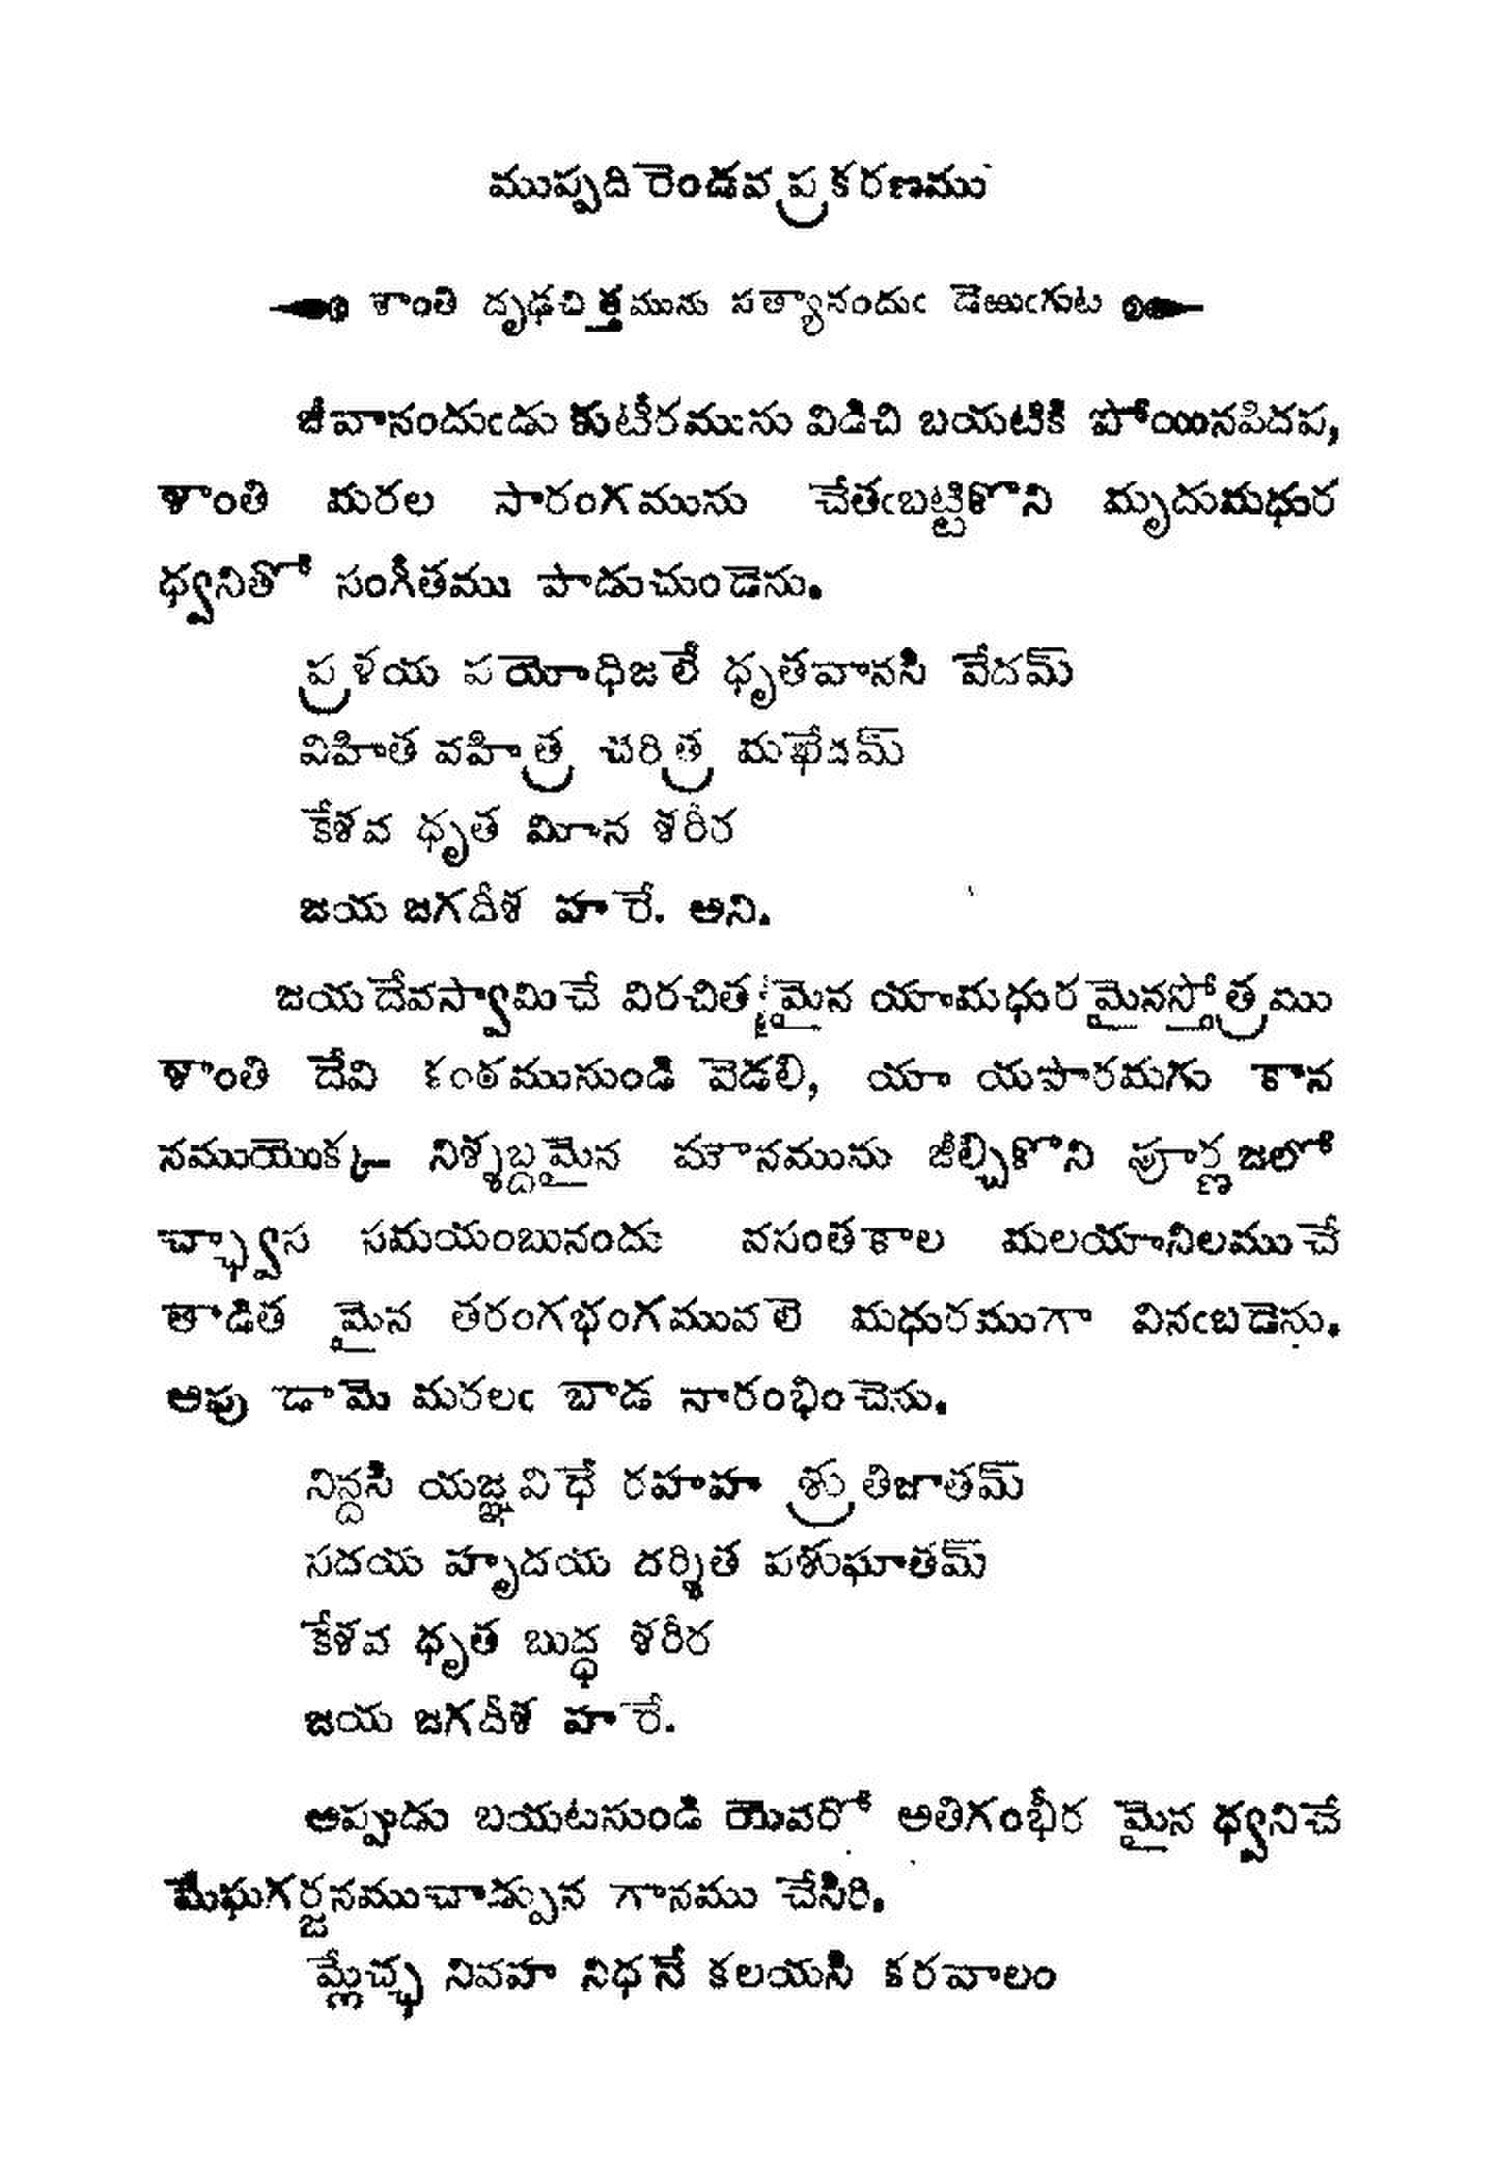ముప్పది రెండవ ప్రకరణము

శాంతి దృఢచిత్తమును సత్యానందుఁ డెఱుఁగుట

జీవానందుఁడు కుటీరమును విడిచి బయటికి పోయినపిదప, శాంతి మరల సారంగమును చేతఁబట్టికొని మృదుమధుర
ధ్వనితో సంగీతము పాడుచుండెను.

ప్రళయ పయోధిజలే ధృతవానసి వేదమ్
విహిత వహిత్ర చరిత్ర ముఖేదమ్
కేశవ ధృత మీన శరీర
జయ జగదీశ హరే. అని.

జయ దేవస్వామిచే విరచితమైన యామధురమైన స్తోత్రము శాంతి దేవి కంఠమునుండి వెడలి, యా యపారమగు కాన
నముయొక్క నిశ్శబ్దమైన మౌనమును జీల్చికోని పూర్ణ జలోచ్ఛ్వాస సమయంబునందు వసంతకాల మలయానిలముచే
తాడిత మైన తరంగభంగమువలె మధురముగా వినఁబడెను. అపు డామె మరలఁ బాడ నారంభించెను,

నిన్దసి యజ్ఞ విధే రహహ శ్రుతిజాతమ్
సదయ హృదయ దర్శిత పశుఘాతమ్
కేశవ ధృత బుద్ధ శరీర
జయ జగదీశ హరే.

అప్పుడు బయటనుండి యెవరో అతిగంభీరమైన ధ్వనిచే మేఘగర్జనముచాడ్పున గానము చేసిరి.

మ్లేచ్ఛ నివహ నిధనే కలయసి కరవాలం